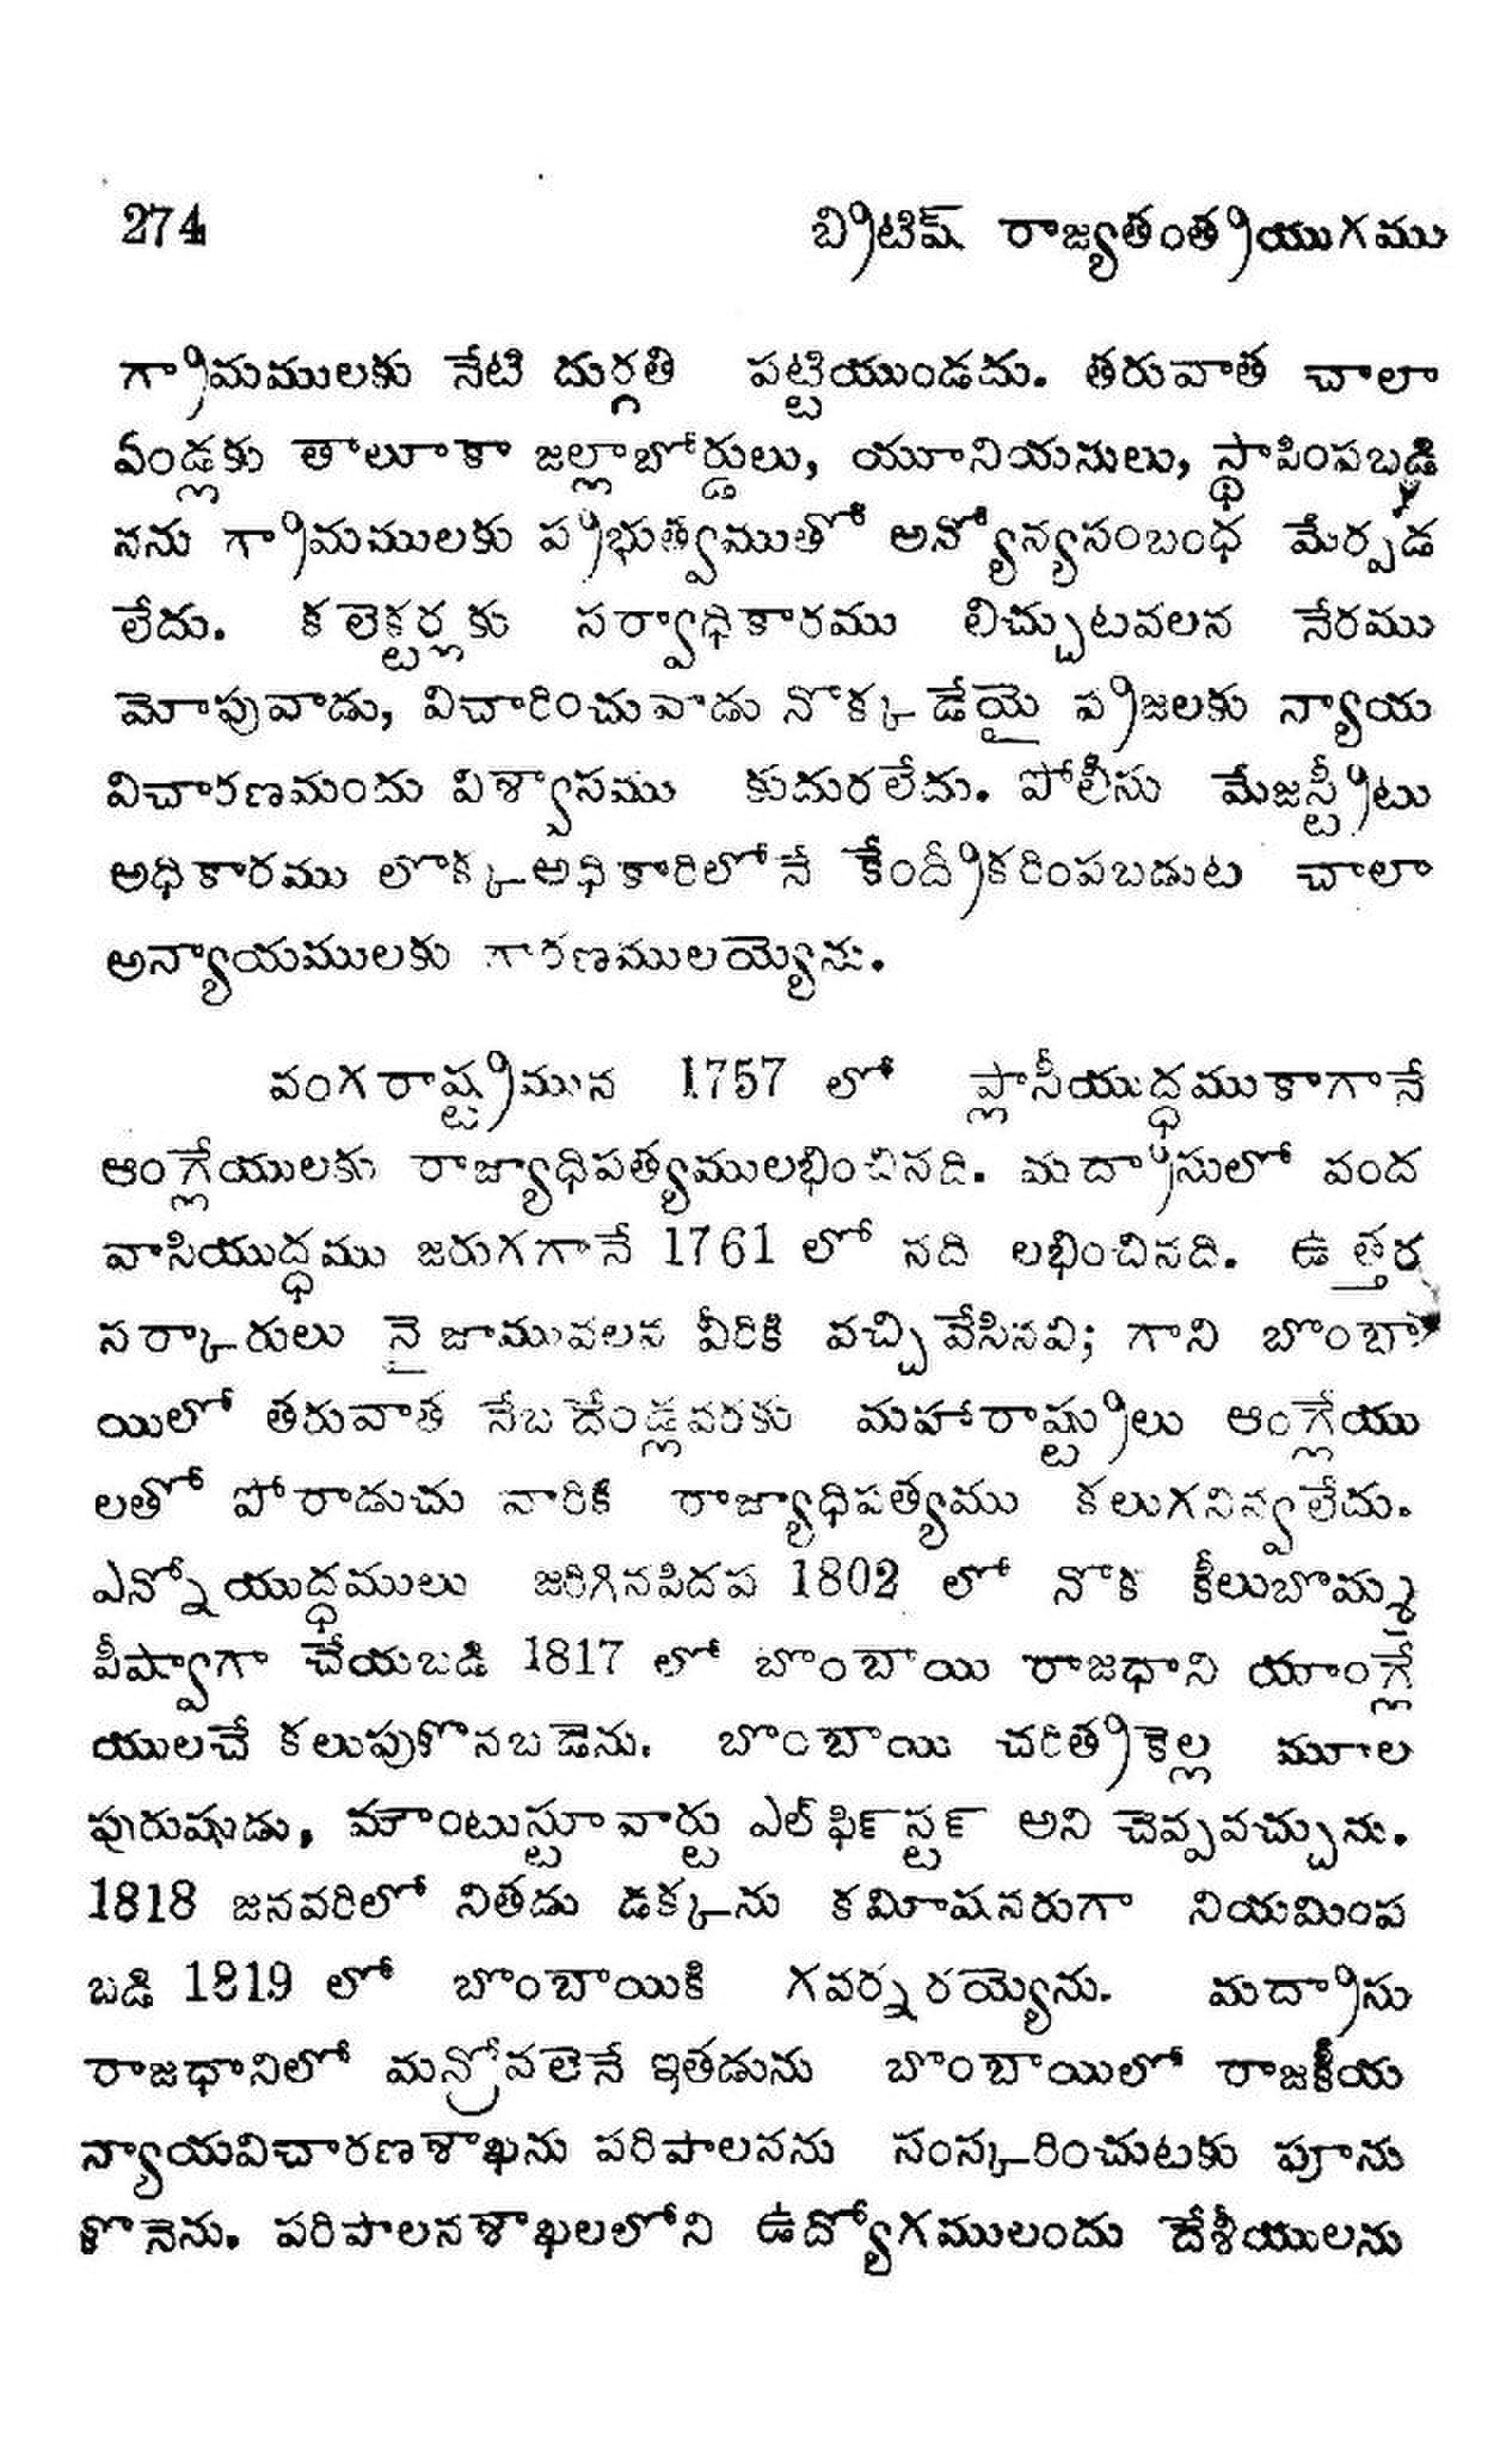గ్రామములకు నేటి దుర్గతి పట్టియుండదు. తరువాత చాలా ఏండ్లకు తాలూకా జల్లాబోర్డులు, యూనియనులు, స్థాపింపబడినను గ్రామములకు ప్రభుత్వముతో అన్యోన్యసంబంధ మేర్పడలేదు. కలెక్టర్లకు సర్వాధికారము లిచ్చుటవలన నేరము మోపువాడు, విచారించువాడు నొక్కడేయై ప్రజలకు న్యాయ విచారణమందు విశ్వాసము కుదురలేదు. పోలీసు మేజస్ట్రీటు అధికారము లొక్కఅధికారిలోనే కేంద్రీకరింపబడుట చాలా అన్యాయములకు గారణములయ్యెను.

వంగరాష్ట్రమున 1757 లో ప్లాసీయుద్దముకాగానే ఆంగ్లేయులకు రాజ్యాధిపత్యములభించినది. మద్రాసులో వందవాసియుద్దము జరుగగానే 1761 లో నది లభించినది. ఉత్తర సర్కారులు నైజామువలన వీరికి వచ్చివేసినవి; గాని బొంబాయిలో తరువాత నేబదేండ్లవరకు మహారాష్ట్రులు ఆంగ్లేయులతో పోరాడుచు వారికి రాజ్యాధిపత్యము కలుగనివ్వలేదు. ఎన్నోయుద్ధములు జరిగినపిదప 1802 లో నొక కీలుబొమ్మ పీష్వాగా చేయబడి 1817 లో బొంబాయి రాజధాని యాంగ్లేయులచే కలుపుకొనబడెను. బొంబాయి చరిత్రకెల్ల మూల పురుషుడు , మౌంటుస్టూవార్టు ఎల్ ఫి౯స్ట౯ అని చెప్పవచ్చును. 1818 జనవరిలో నితడు డక్కను కమీషనరుగా నియమింపబడి 1819 లో బొంబాయికి గవర్నరయ్యెను. మద్రాసు రాజధానిలో మన్రోవలెనే ఇతడును బొంబాయిలో రాజకీయ న్యాయవిచారణశాఖను పరిపాలనను సంస్కరించుటకు పూనుకొనెను. పరిపాలనశాఖలలోని ఉద్యోగములందు దేశీయులను